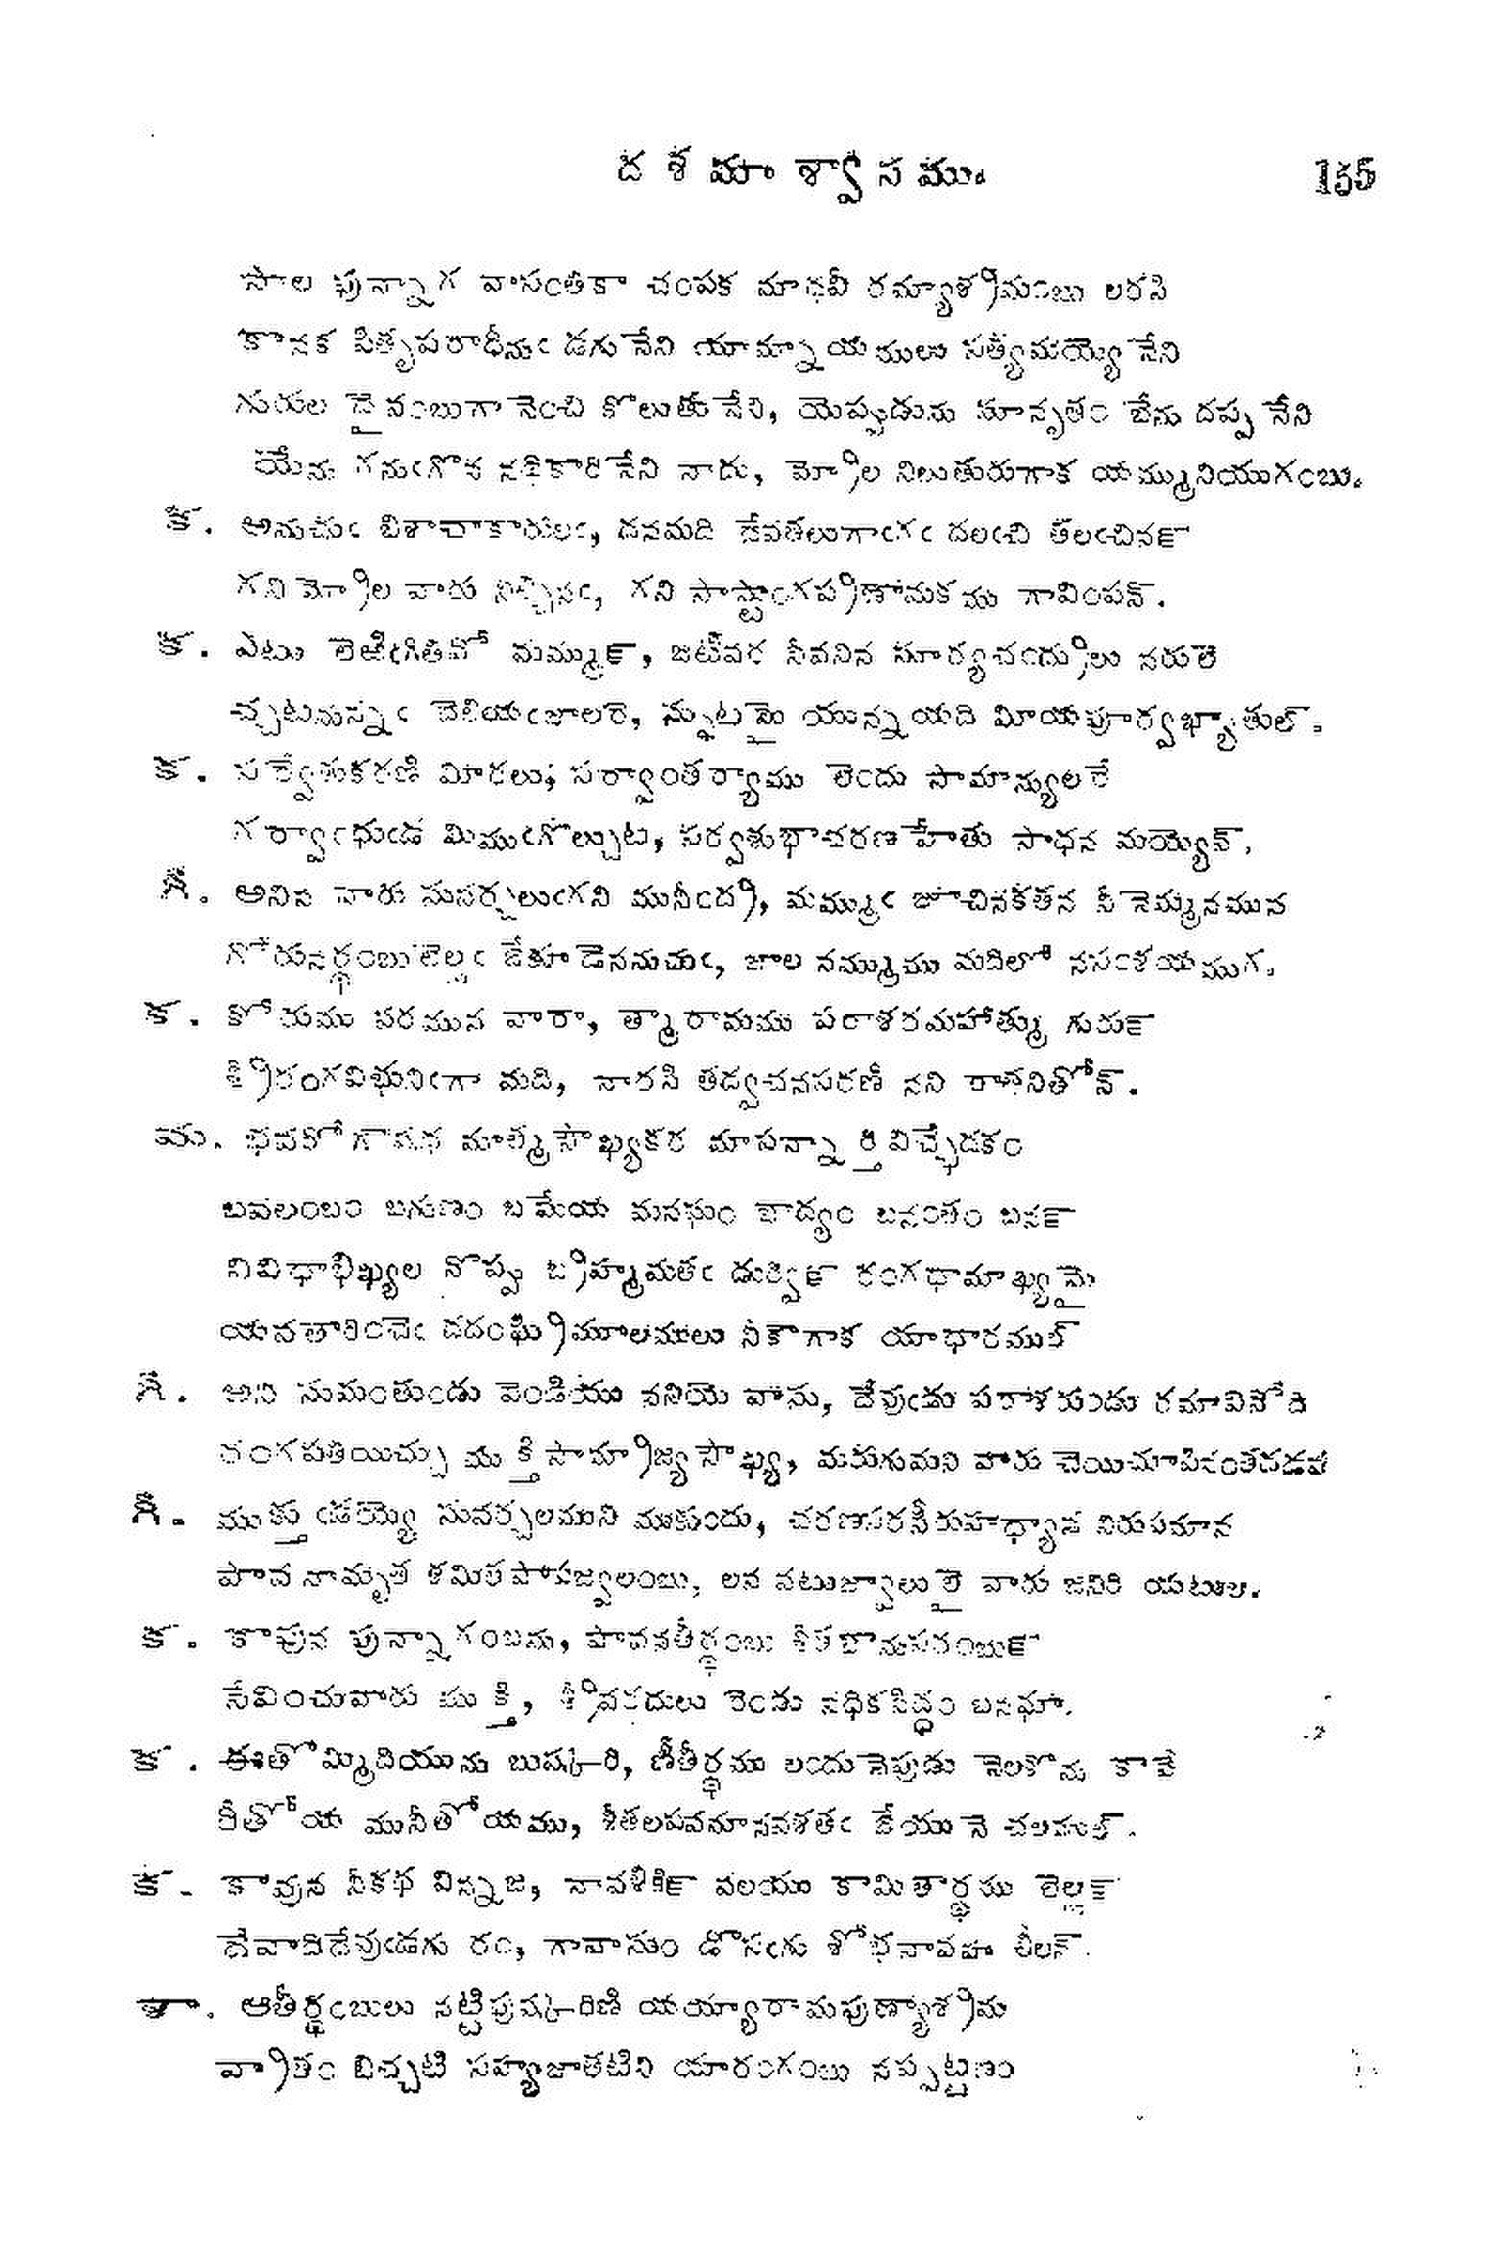సాల పున్నాగ వాసంతకా చంపక మాధవీ రమ్యాశ్రమంబు లరసి
 కొనక పితృపరాధీనుఁ డగునేని యామ్నాయములు సత్యమయ్యెనేని
 గురుల దైవంబుగా నెంచి కొలుతునేని, యెప్పుడును సూనృతం బేను దప్పనేని
 యేను గనుఁగొన నదికారినేని నాదు, మ్రోల నిలుతురుగాక యమ్మునియుగంబు.
క. అనుచుఁ బిశాచాకారులఁ, దనమది దేవతలుగాఁగఁ దలఁచి తలఁచినన్
 గని మ్రోల వారు నిల్చినఁ, గని సాష్టాంగప్రణామకము గావింపన్.
క. ఎటు లెఱిఁగితివో మమ్మున్, జటీవర నీ వనిన సూర్యచంద్రులు నరు లె
 చ్చటనున్నఁ దెలియఁజాలరె, స్ఫుటమై యున్నయది మీయపూర్వఖ్యాతుల్.
క. సర్వేశుకరణి మీరలు, సర్వాంతర్యాము లెందు సామాన్యులరే
 గర్వాంధుఁడ మిముఁ గొల్చుట, సర్వశుభాచరణహేతుసాధన మయ్యెన్.
గీ. అనిన వారు సువర్చలుఁ గని మునీంద్ర, మమ్ముఁ జూచినకతన నీ నెమ్మనమున
 గోరునర్థంబులెల్లఁ జేకూడెననుచుఁ, జాల నమ్ముము మదిలో నసంశయముగ.
క. కోరుము పరమున వారా, త్మారామము పరాశరమహాత్ము గురున్
 శ్రీరంగవిభునిగా మది, నారసి తద్వచనసరణి నని రాతనితోన్.
మ. భవరోగౌషధ మాత్మసౌఖ్యకర మాసన్నార్తివిచ్ఛేదకం
 బవలంబం బగుణం బమేయ మనఘం బాద్యం బనంతం బనన్
 వివిధాభిఖ్యల నొప్పు బ్రహ్మ మతఁ డుర్విన్ రంగధామాఖ్యమై
 యవతారించెఁ దదంఘ్రిమూలములు నీ కౌగాక యాధారముల్.
గే. అని సుమంతుఁడు వెండియు ననియె వాసు, దేవుఁడు పరాశరుండు రమావినోది
 రంగపతి యిచ్చు ముక్తిసామ్రాజ్యసౌఖ్య, మరుగుమని వారు చెయి చూపినంత దడవ.
గీ. ముక్తుఁడయ్యె సువర్చలముని ముకుందు, చరణసరసీరుహధ్యాన నిరుపమాన
 పావనామృత శమితపాపజ్వలంబు, లన వటుజ్వాలులై వారు జనిరి యటుల.
క. కావున పున్నాగంబను, పావనతీర్థంబు శీతభానుసరంబున్
 సేవించువారు ముక్తి, శ్రీవరదులు రెండు నధికసిద్ధం బనఘా.
క. ఈ తొమ్మిదియును బుష్కరి, ణీతీర్థములందు నెపుడు నెలకొను కావే
 రీతోయము నీతోయము, శీతలపవమానవశతఁ జేయునె చలముల్.
క. కావున నీకథ విన్నజ, నావళికిన్ వలయు కామితార్థము లెల్లన్
 దేవాదిదేవుఁడగు రం, గావాసుం డొసఁగు శోభనావహలీలన్.
శా. ఆతీర్థంబులు నట్టిపుష్కరిణి యయ్యారామపుణ్యాశ్రమ
 వ్రాతం బిచ్చటి సహ్యజాతటిని యారంగంబు నప్పట్టణం